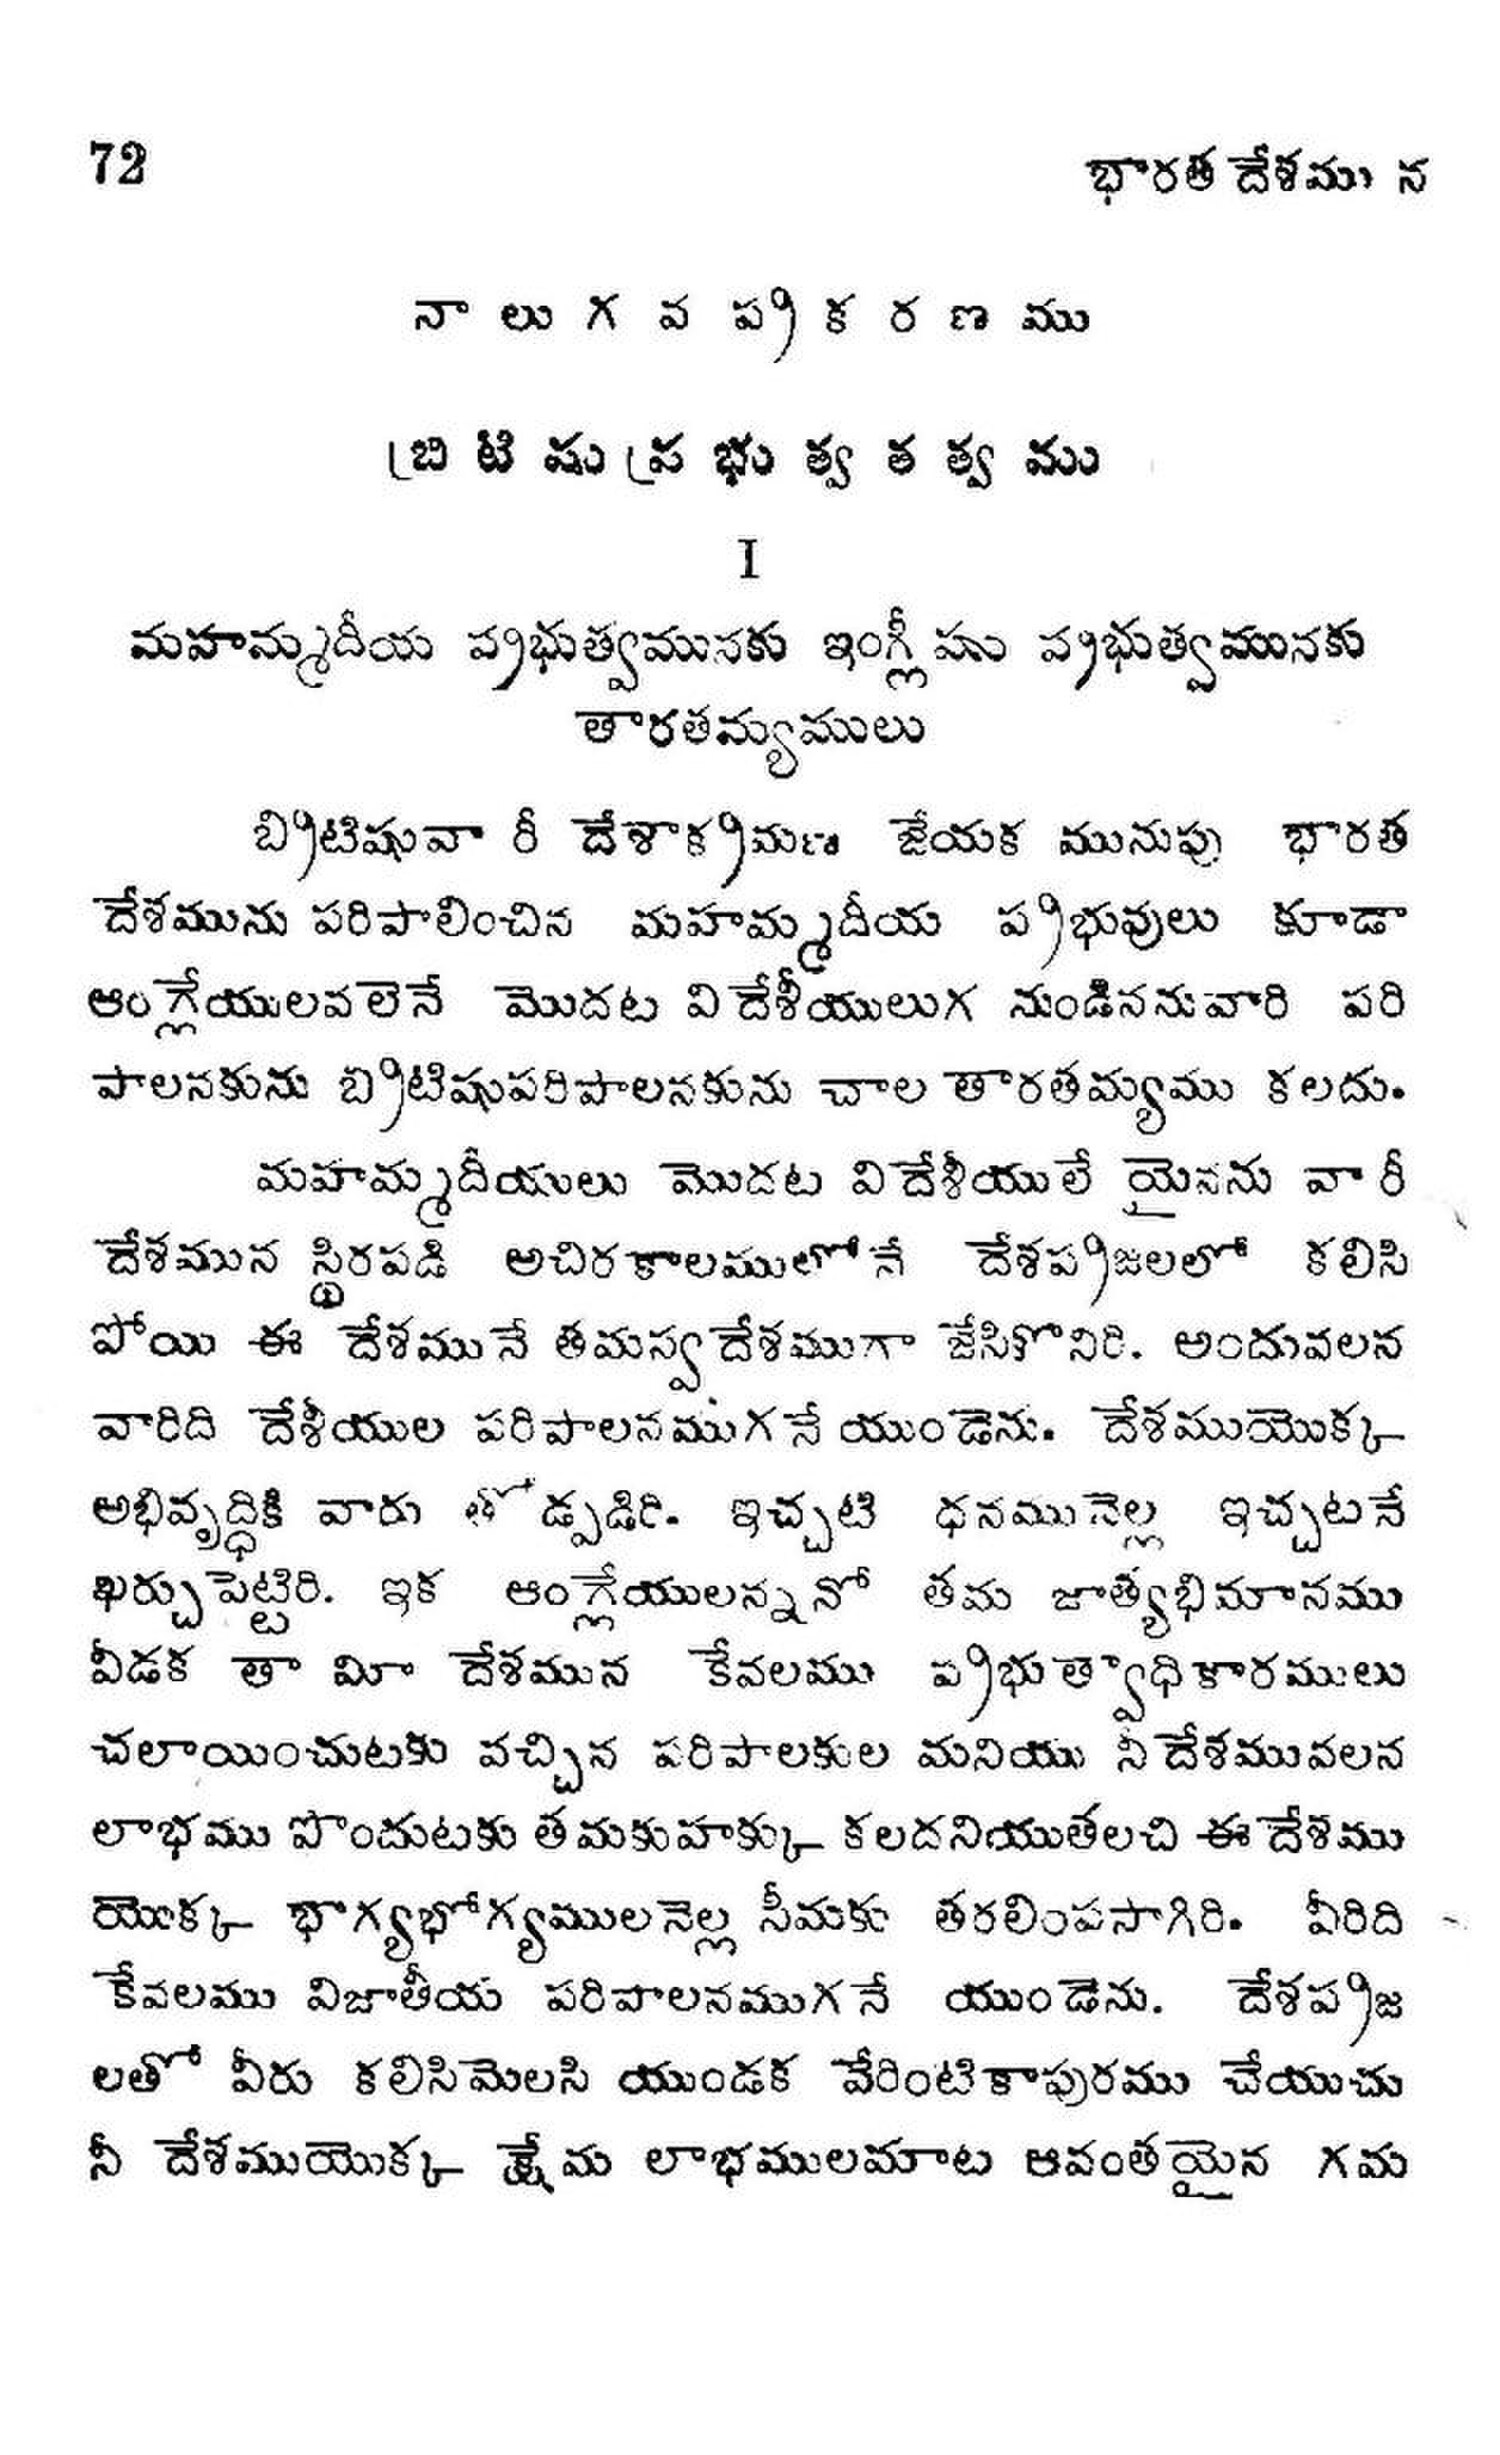నాలుగవ ప్రకరణము 
బ్రిటిషుప్రభుత్వ తత్వము
I
మహమ్మదీయ ప్రభుత్వమునకు ఇంగ్లీషు ప్రభుత్వమునకు తారతమ్యములు 

బ్రిటిషువా రీ దేశాక్రమణ జేయక మునుపు భారతదేశమును పరిపాలించిన మహమ్మదీయ ప్రభువులు కూడా ఆంగ్లేయులవలెనే మొదట విదేశీయులుగ నుండిననువారి పరిపాలనకును బ్రిటిషుపరిపాలనకును చాల తారతమ్యము కలదు.

మహమ్మదీయులు మొదట విదేశీయులే యైనను వా రీ దేశమున స్థిరపడి అచిరకాలములోనే దేశప్రజలలో కలిసిపోయి ఈ దేశమునే తమస్వదేశముగా జేసికొనిరి. అందువలన వారిది దేశీయుల పరిపాలనముగనే యుండెను. దేశముయొక్క అభివృద్ధికి వారు తోడ్పడిరి. ఇచ్చటి ధనమునెల్ల ఇచ్చటనే ఖర్చుపెట్టిరి. ఇక ఆంగ్లేయులన్ననో తమ జాత్యభిమానము వీడక తా మీ దేశమున కేవలము ప్రభుత్వాధికారములు చలాయించుటకు వచ్చిన పరిపాలకుల మనియు నీదేశమువలన లాభము పొందుటకు తమకుహక్కు కలదనియు తలచి ఈ దేశము యొక్క భాగ్యభోగ్యములనెల్ల సీమకు తరలింపసాగిరి. వీరిది - కేవలము విజాతీయ పరిపాలనముగనే యుండెను. దేశప్రజలతో వీరు కలిసిమెలసి యుండక వేరింటికాపురము చేయుచు నీ దేశముయొక్క క్షేమ లాభములమాట ఆవంతయైన గమ